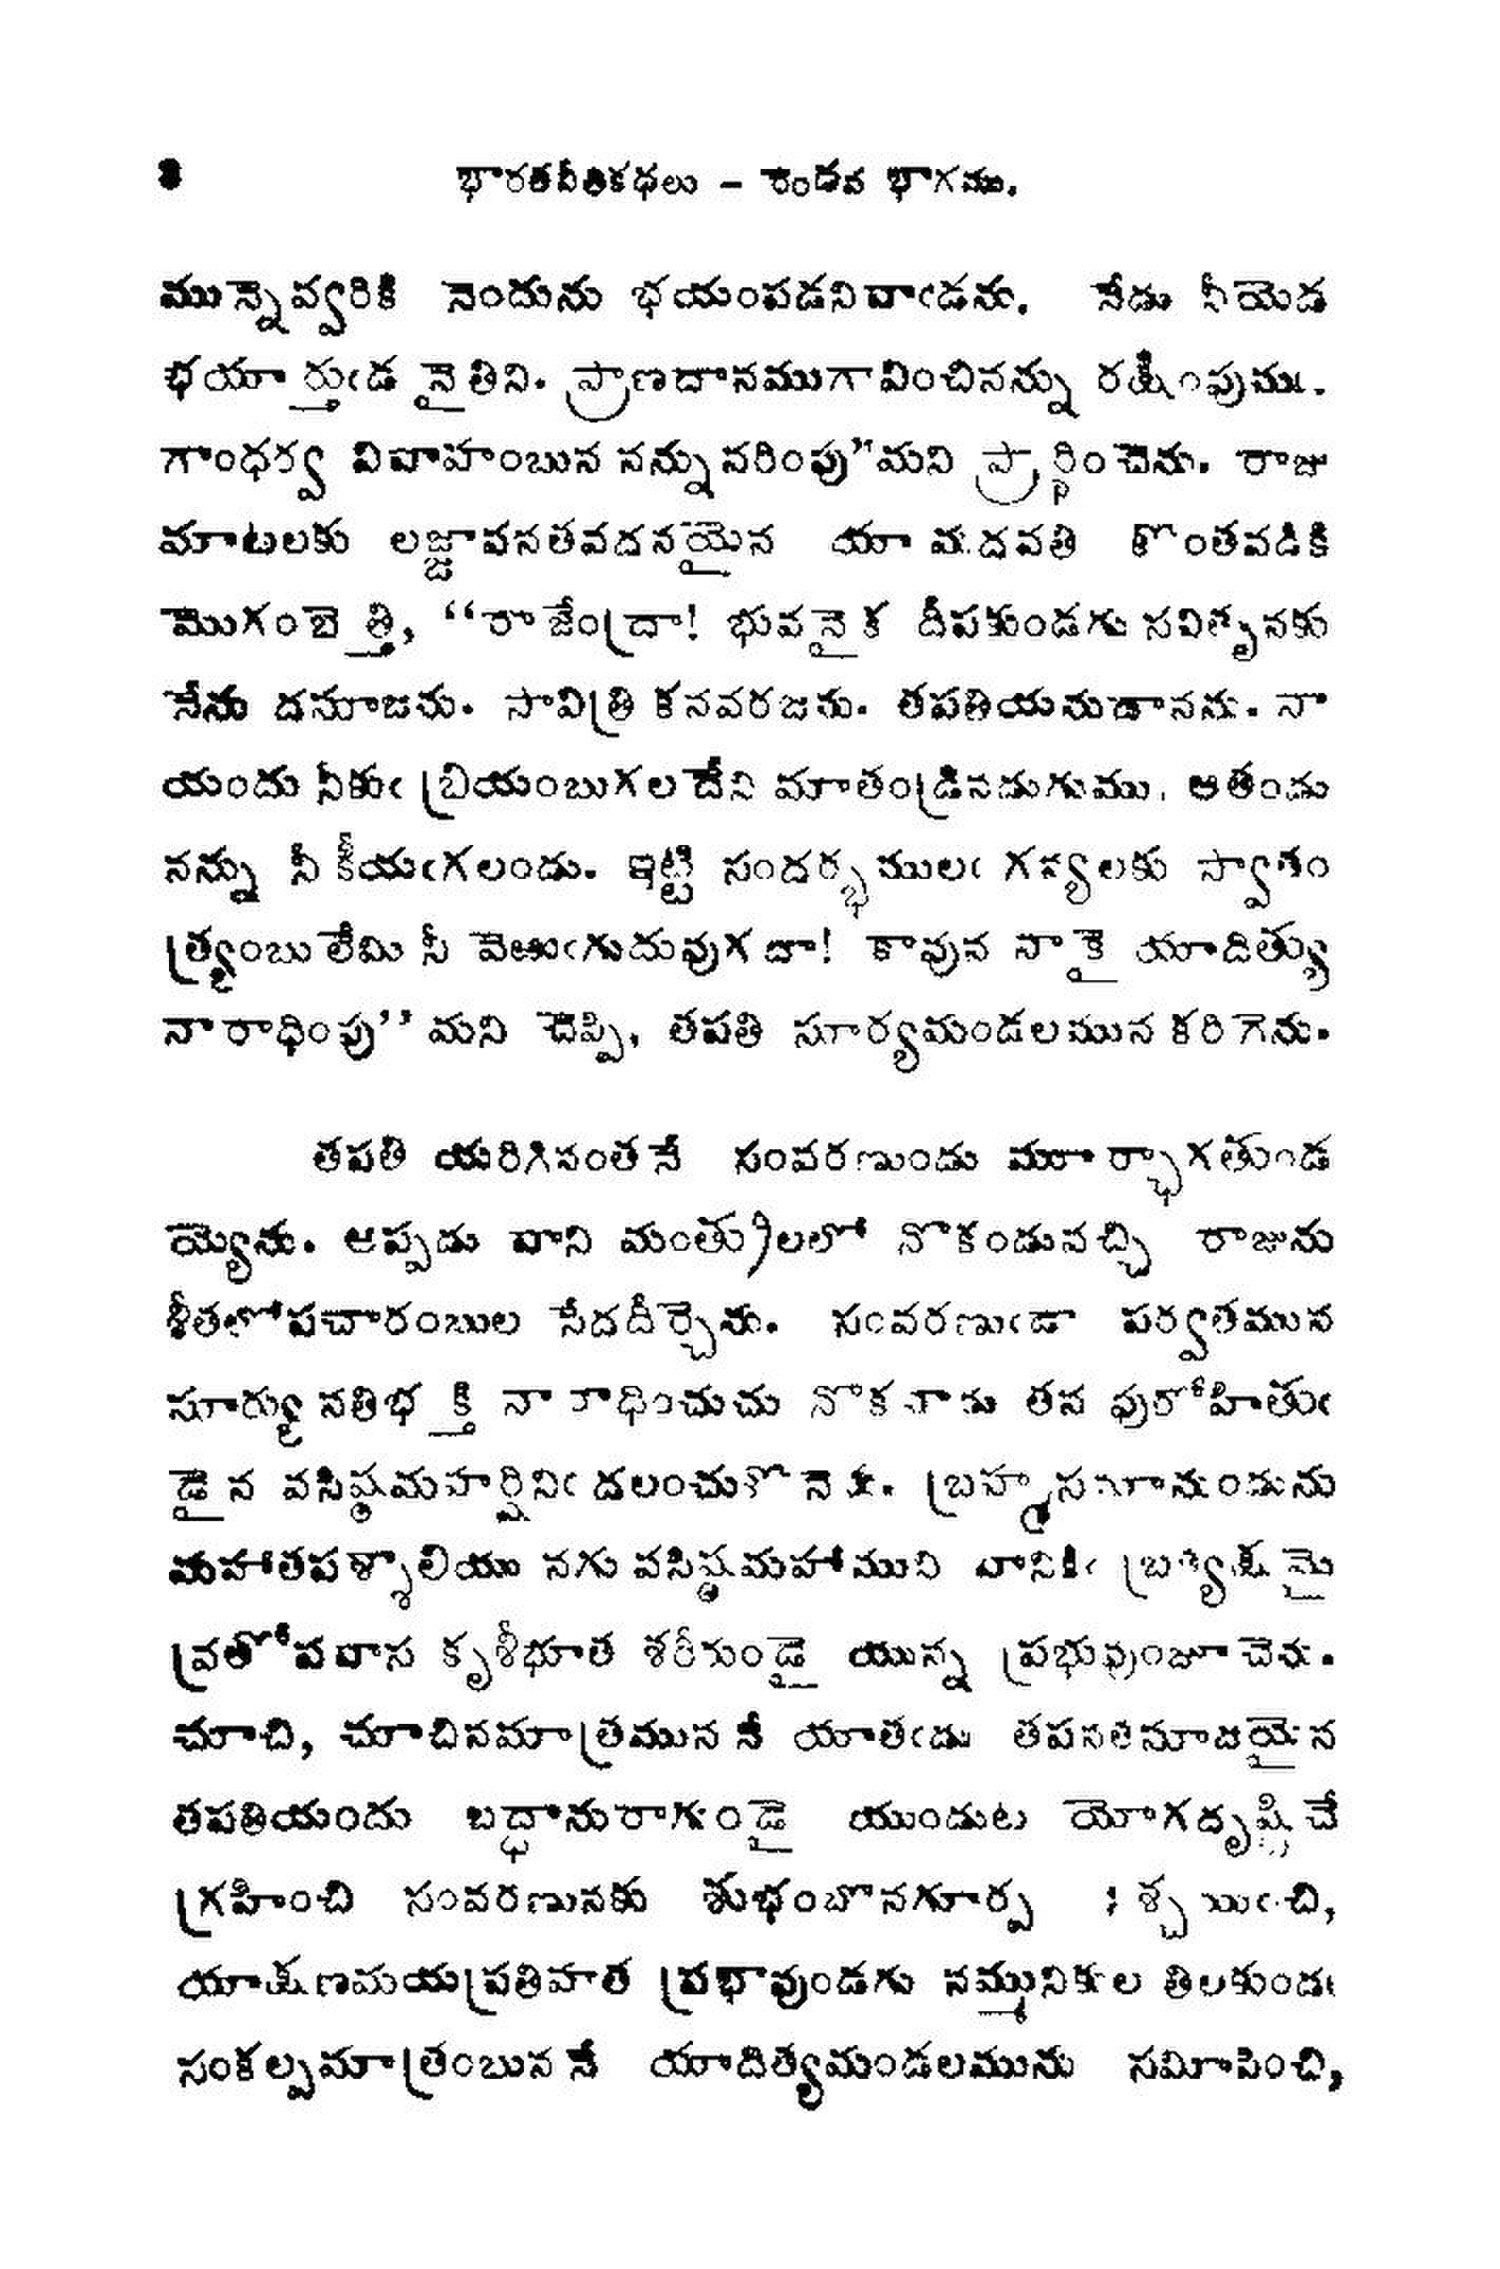మున్నెవ్వరికి నెందును భయంపడనివాఁడను. నేడు నీయెడ భయార్తుఁడ నైతిని. ప్రాణదానముగావించినన్ను రక్షింపుము . గాంధర్వ వివాహంబున నన్ను వరింపు"మని ప్రార్ధించెను. రాజు మాటలకు లజ్ఞావనతవదనయైన యా మదవతి కొంతవడికి మొగంబెత్తి, రాజేంద్రా! భువనైక దీపకుండగు సవితృనకు నేను దనూజను. సావిత్రి కనవరజను. తపతియనుదానను. నా యందు నీకుఁ బ్రియంబుగలదేని మాతండ్రినడుగుము, అతండు నన్ను నీ కీయఁగలండు. ఇట్టి సందర్భముల గన్యలకు స్వాతంత్ర్యంబు లేమి నీ వెఱుఁగుదువుగదా! కావున నాకై యాదిత్యు నారాధింపు" మని చెప్పి, తపతి సూర్యమండలమున కరిగెను.

తపతి యరిగినంతనే సంవరణుండు మూర్చాగతుండయ్యెను. ఆప్పుడు వాని మంత్రులలో నొకండువచ్చి రాజును శీతలోపచారంబుల సేదదీర్చేను. సంవరణుఁడా పర్వతమున సూర్యునతిభక్తి నారాధించుచు నొకనాడు తన పురోహితుఁడైన వసిష్ఠమహర్షినిఁ దలంచుకొనెను. బ్రహ్మసమానుండును మహాతపశ్ళాలియు నగు వసిష్ఠమహాముని వానికిఁ బ్రత్యక్షమై వ్రతోపవాస కృశీభూత శరీరుండై యున్న ప్రభువుంజూచెను . చూచి, చూచినమాత్రముననే యాతఁడు తపనత నూజయైన తపతియందు బద్ధానురాగండై యుండుట యోగదృషిచే గ్రహించి సంవరణునకు శుభంబొనగూర్ప నిశ్చయించి, యాక్షణమయప్రతిహత ప్రభావుండగు నమ్మునికుల తిలకుండ సంకల్పమాత్రంబుననే యాదిత్యమండలమును సమీపించి,